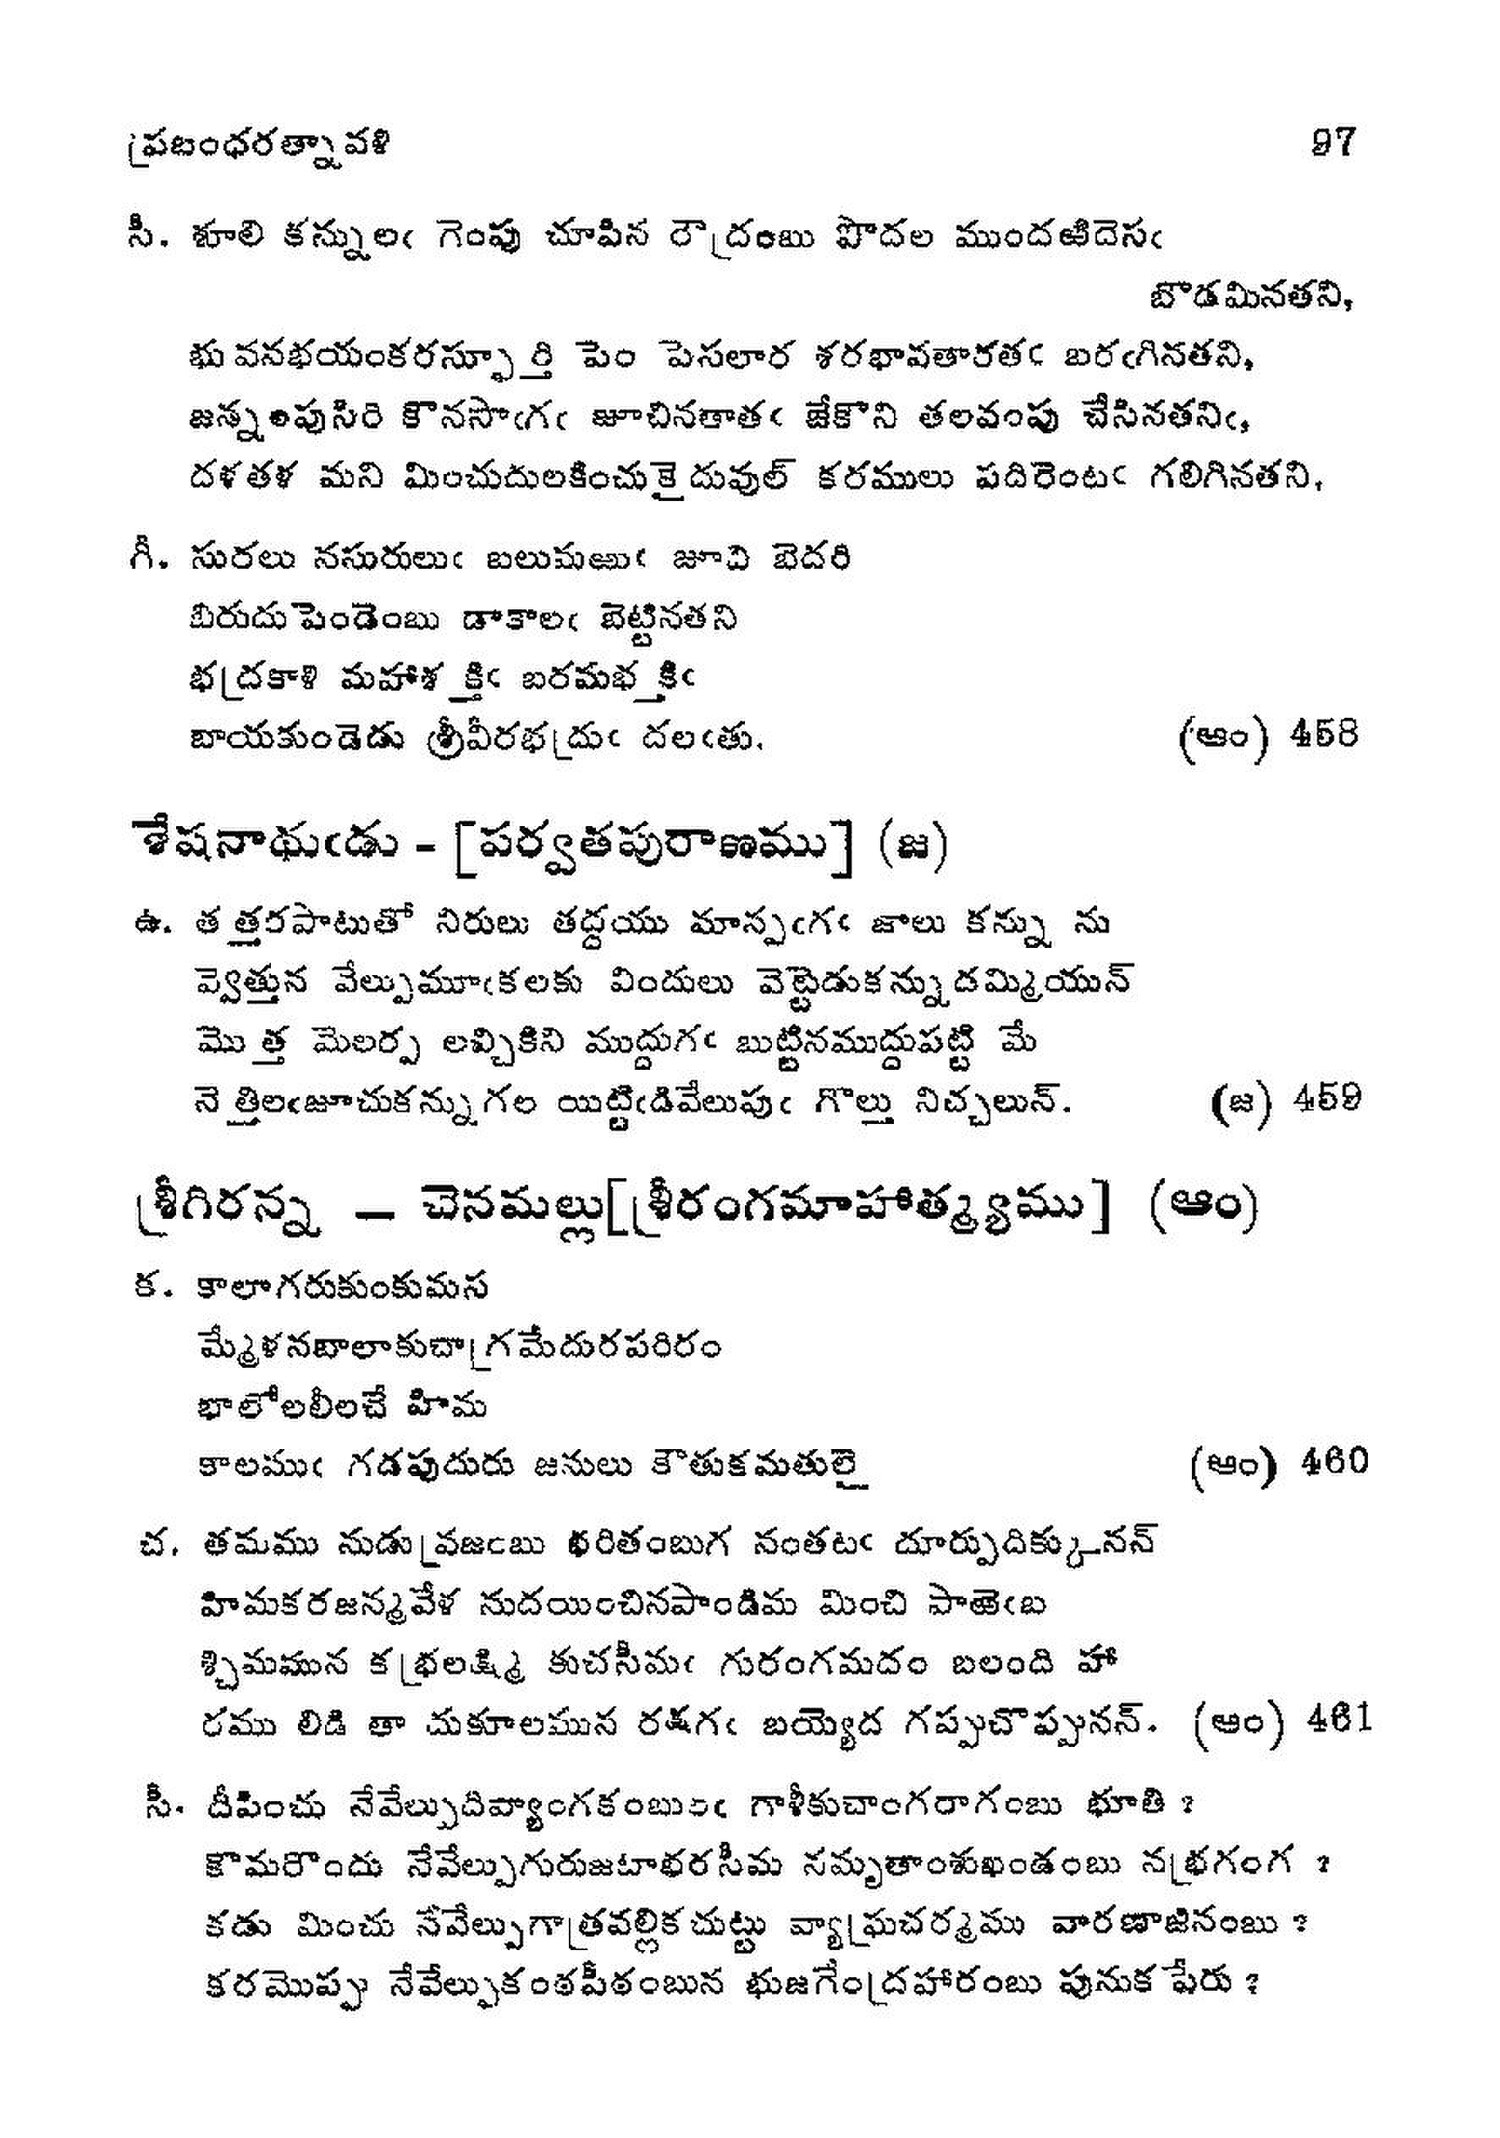సీ. శూలి కన్నులఁగెంపు చూపిన రౌద్రంబు పొదల ముందఱిదెసఁ బొడమినతని,
భువనభయంకరస్ఫూర్తి పెంపెసలార శరభావతారతఁ బరఁగినతని,
జన్నంపుసిరి కొనసాఁగఁ జూచినతాతఁ జేకొని తలవంపు చేసినతనిఁ,
దళతళమని మించుదులకిచు కైదువుల్ కరములు పదిరెంటఁ గలిగినతని,
గీ. సురలు నసురులుఁ బలుమఱుఁ జూచి బెదర
బిరుదుపెండెంబు డాకాలఁబెట్టినతని
భద్రకాళి మహాశక్తిఁ బరమభక్తిఁ
బాయకుండెడు శ్రీవీరభద్రుఁ దలతు. (ఆం) 458

శేషనాథుఁడు [పర్వతపురాణము] (జ)
ఉ. తత్తరపాటుతో నిరులు తద్దయు మాన్పఁగఁ జాలు కన్ను ను
వ్వెత్తున వేల్పుమూఁకలకు విందులు వెట్టెడుకన్నుదమ్మియున్
మొత్తమెలర్ప లచ్చికిని ముద్దుగఁబుట్టిన ముద్దుపట్టి మే
నెత్తిలఁజూచుకన్నుగల యిట్టిఁడి వేలుపుఁ గొల్తు నిచ్చలున్. (జ) 459

శ్రీగిరన్న, చెనమల్లు [శ్రీరంగమాహాత్మ్యము] (ఆం)
క. కాలాగరుకుంకుమ స
మ్మేళనబాలాకుచాగ్రమేదుర పరి రం
భాలోల లీలచే హిమ
కాలముఁ గడుపుదురు జనులు కౌతుకమతులై. (ఆం) 460

చ. తమము నుడువ్రజంబు భరితంబుగ నంతటఁ దూర్పుదిక్కునన్
హిమకరజన్మవేళ నుదయించినపాండిమ మించి పాఱెఁ బ
శ్చిమమున కభ్రలక్ష్మి కుచసీమఁ గురంగమదంబలంది హా
రములిడి తా దుకూలమున రక్షగఁ బయ్యెద గప్పుచొప్పునన్. (ఆం) 461

సీ. దీపించు నే వేల్పు దివ్యాంగకంబులఁ గాళీకుచాంగరాగంబు భూతి?
కొమరొందు నే వేల్పు గురుజటాభరసీమ నమృతాంశుఖండంబు నభ్రగంగ?
కడుమించు నే వేల్పు గాత్రవల్లికచుట్టు వ్యాఘ్రచర్మము వారణాజినంబు?
కరమొప్పు నే వేల్పు కంఠపీఠంబున భుజగేంద్రహారంబు పునుకపేరు?